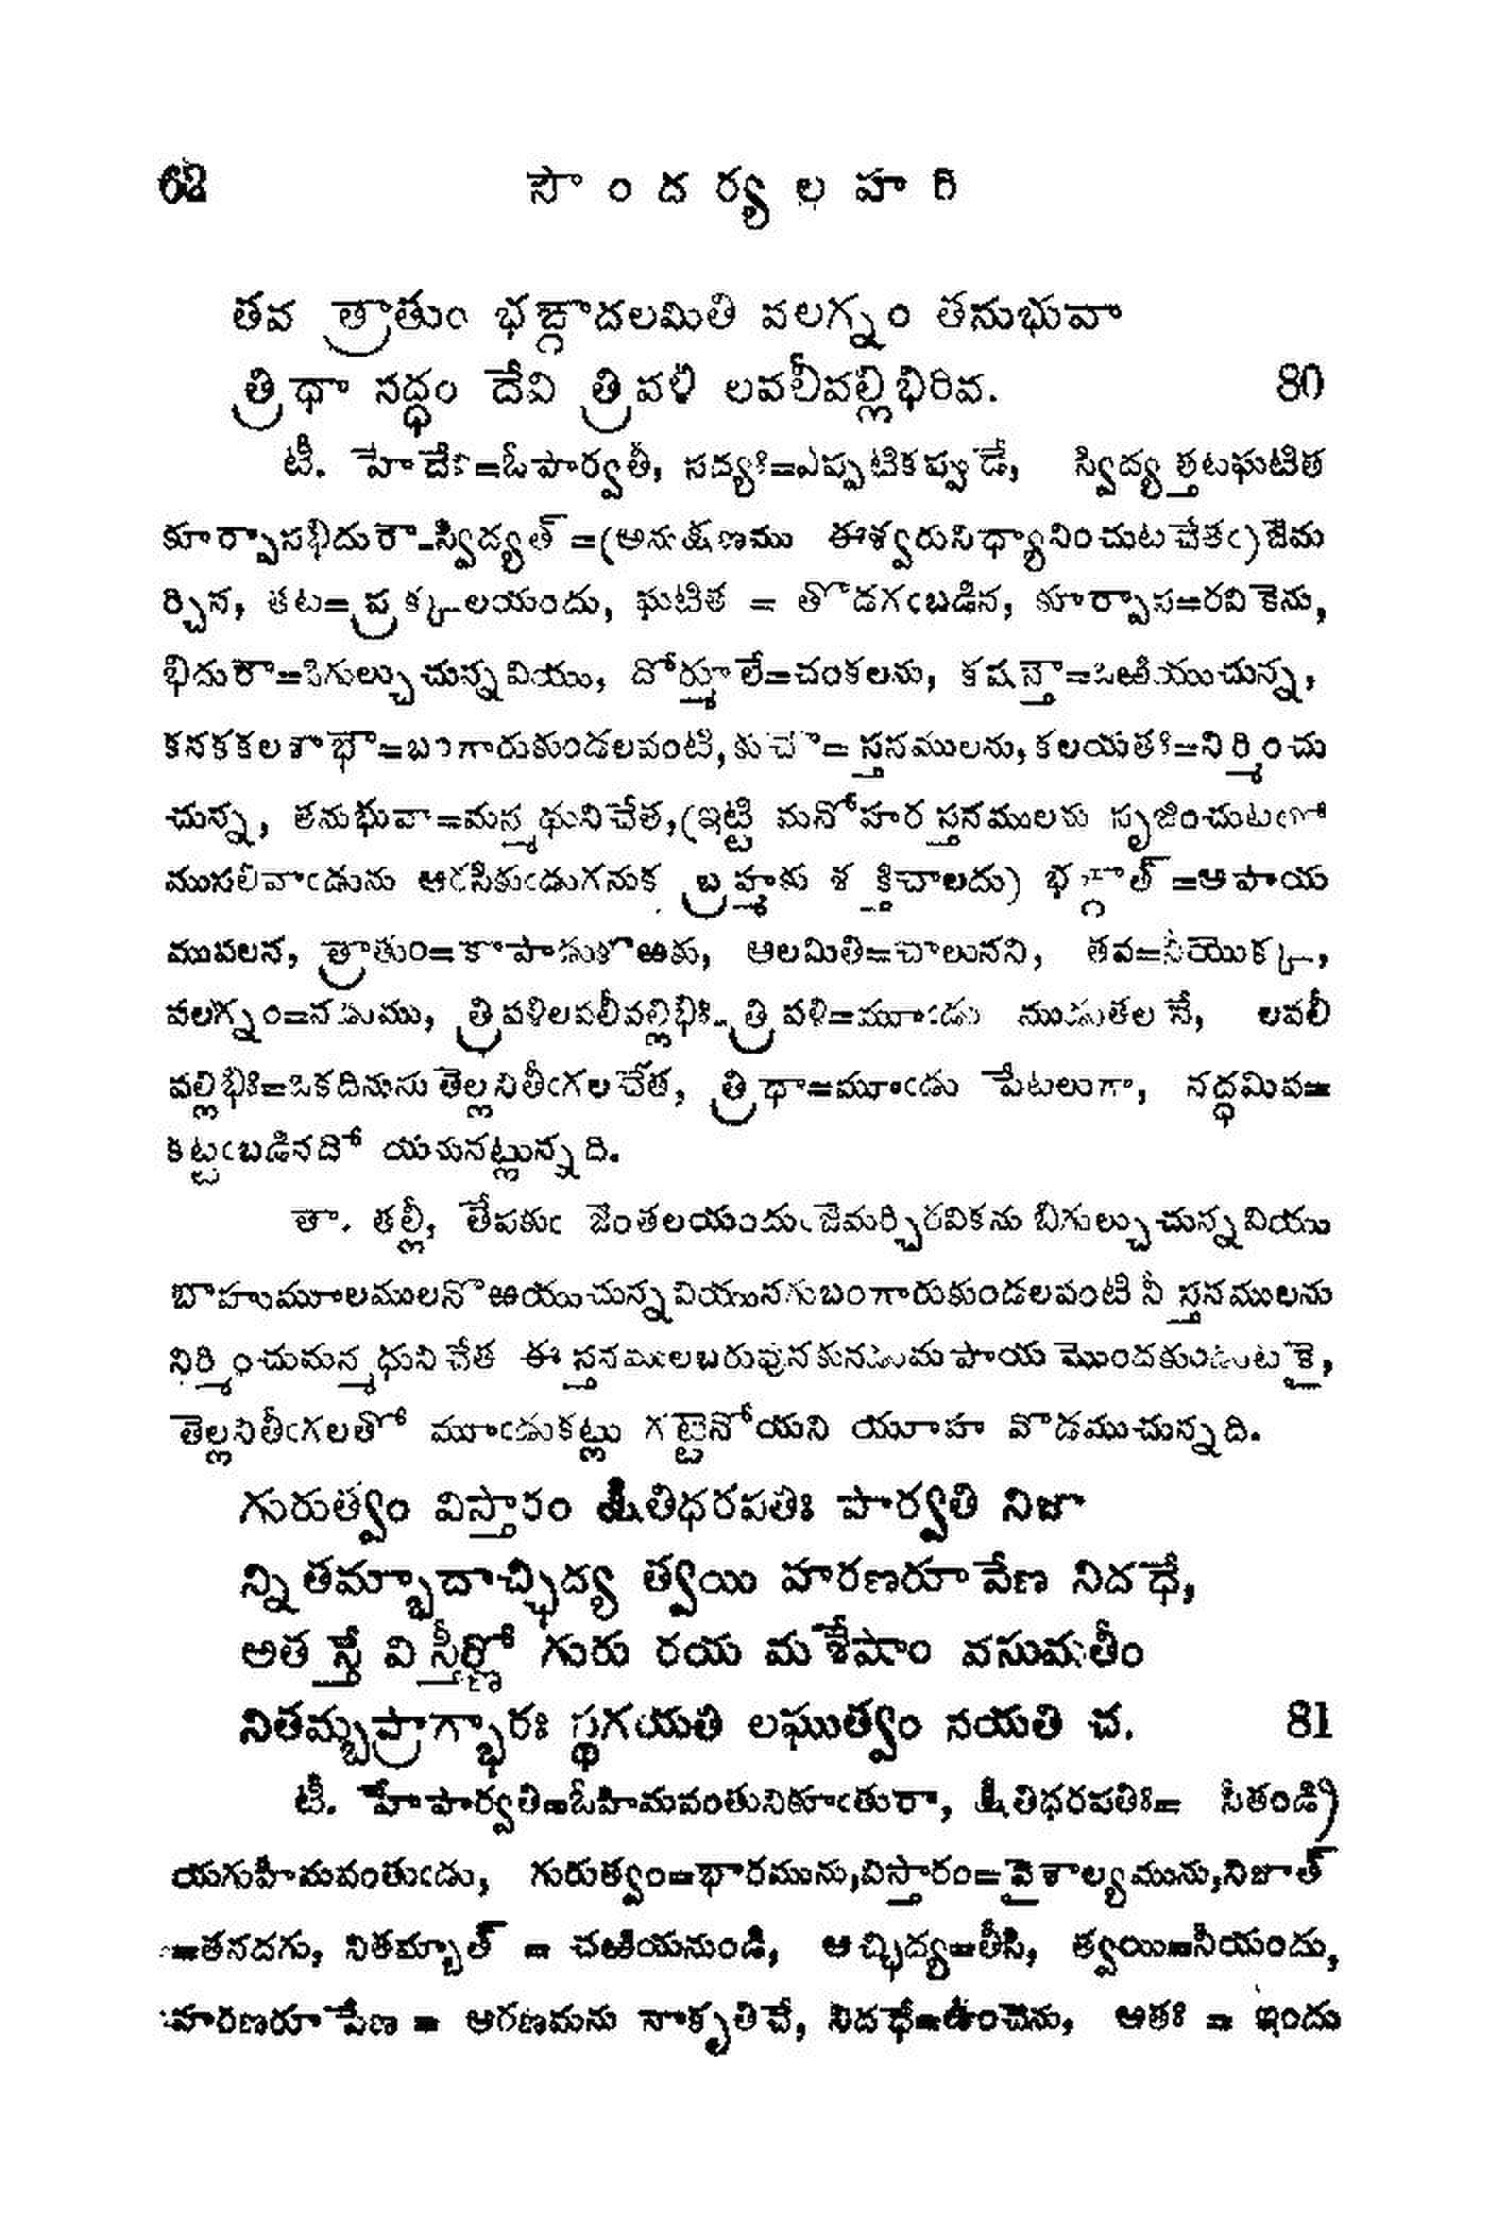తవ త్రాతుం భఙ్గాదలమితి వలగ్నం తనుభువా
త్రిథా నద్ధం దేవి త్రివళి లవలీవల్లిభిరివ. 80
టీ. హేదేవి = ఓపార్వతీ, సద్యః = ఎప్పటికప్పుడే, స్విద్యత్తటఘటితకూర్పాసభిదురౌ-స్విద్యత్ = (అనుక్షణము ఈశ్వరునిధ్యానించుటచేతఁ) జెమర్చిన, తట = ప్రక్కలయందు, ఘటిత = తొడగఁబడిన, కూర్పాస = రవికెను, భిదురా = పిగుల్చుచున్నవియు, దోర్మూలే = చంకలను, కషన్తౌ = ఒఱియుచున్న, కనకకలశాభౌ = బంగారుకుండలవంటి, కుచౌ = స్తనములను, కలయతః = నిర్మించుచున్న, తనుభువా = మన్మథునిచేత, (ఇట్టి మనోహరస్తనములను సృజించుటలో ముసలివాఁడును అరసికుఁడునుగనుక బ్రహ్మకు శక్తిచాలదు) భఙ్గాత్ = అపాయమువలన, త్రాతుం = కాపాడుకొఱకు, అలమితి = చాలునని, తవ = నీయొక్క, వలగ్నం = నడుము, త్రివళిలవళీవల్లిభిః-త్రివళి = మూఁడు ముడుతలనే, లవలీవల్లిభిః = ఒకదినుసుతెల్లనితీఁగలచేత, త్రిథా = మూఁడు పేటలుగా, నద్ధమివ =కట్టఁబడినదో యనునట్లున్నది.

తా. తల్లీ, తేపకుఁ జెంతలయందుఁజెమర్చిరవికనుబిగుల్చుచున్నవియు బాహుమూలములనొఱయుచున్నవియునగు బంగారుకుండలవంటి నీస్తనములను నిర్మించుమన్మథునిచేత ఈస్తనములబరువునకునడుమపాయ మొందకుండుటకై, తెల్లనితీఁగలతో మూఁడుకట్లు గట్టెనోయని యూహ వొడముచున్నది.

గురుత్వం విస్తారం క్షితిధరపతిః పార్వతి నిజా
న్నితమ్బాదాచ్ఛిద్య త్వయి హరణరూపేణ నిదధే,
అతస్తే విస్తీర్ణో గురు రయ మశేషాం వసుమతీం
నితమ్బప్రాగ్భారః స్థగయతి లఘుత్వం నయతి చ. 81
టీ. హేపార్వతి = ఓహిమవంతునికూఁతురా, క్షితిధరపతిః = నీతండ్రియగుహిమవంతుఁడు, గురుత్వం = భారమును, విస్తారం = వైశాల్యమును, నిజాత్ = తనదగు, నితమ్బాత్ = చఱియనుండి, అచ్ఛిద్య = తీసి, త్వయి = నీయందు, హరణరూపేణ = అరణమను నాకృతిచే, నిచధే = ఉంచెను, అతః = ఇందు